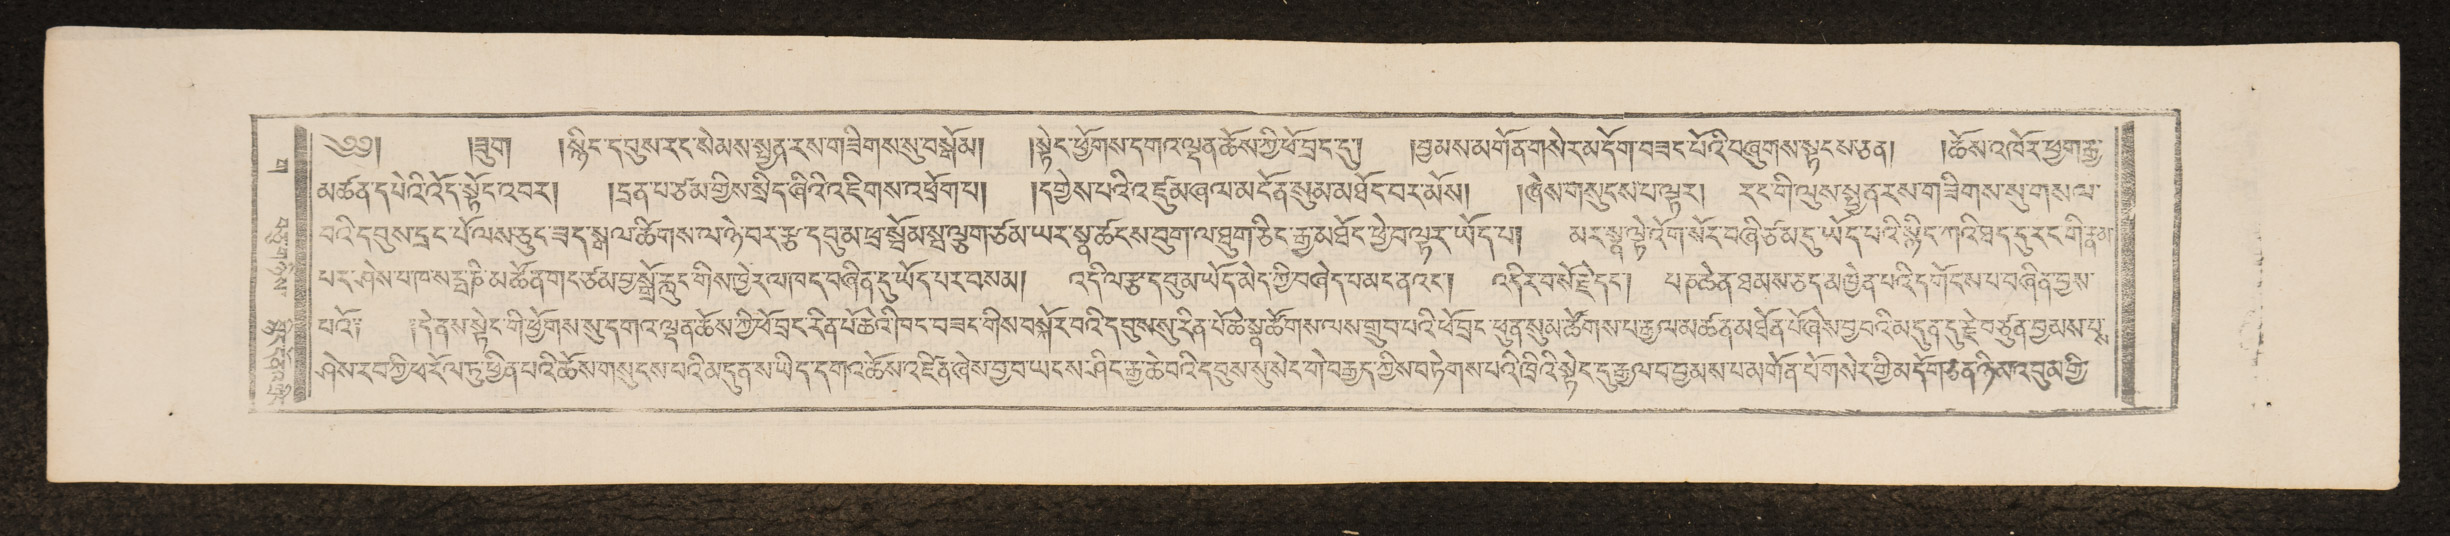༄༅། །ཐུག །སྙིང་དབུས་རང་སེམས་སྤྱན་རས་གཟིགས་སུ་བསྒོམ། །སྟེང་ཕྱོགས་དགའ་ལྡན་ཆོས་ཀྱི་ཕོ་བྲང་དུ། །བྱམས་མགོན་གསེར་མདོག་བཟང་པོའི་བཞུགས་སྟངས་ཅན། །ཆོས་འཁོར་ཕྱག་རྒྱ་
མཚན་དཔེའི་འོད་སྟོང་འབར། །དྲན་པ་ཙམ་གྱིས་སྲིད་ཞིའི་འཇིགས་འཕྲོག་པ། །དགྱེས་པའི་འཛུམ་ཞལ་མངོན་སུམ་མཐོང་བར་མོས། །ཞེས་གསུངས་པ་ལྟར། རང་གི་ལུས་སྤྱན་རས་གཟིགས་སུ་གསལ་
བའི་དབུས་དྲང་པོ་ལས་ཅུང་ཟད་སྒལ་ཚིགས་ལ་ཉེ་བར་རྩ་དབུ་མ་ཕྲ་སྦོམ་སྦ་ལྕག་ཙམ་ཡར་སྣ་ཚངས་བུག་ལ་ཐུག་ཅིང་རྒྱ་མཐོང་ཕྱེ་བ་ལྟར་ཡོད་པ། མར་སྣ་ལྟེ་འོག་སོར་བཞི་ཙམ་དུ་ཡོད་པའི་སྙིང་ཀའི་ཐད་དུ་རང་གི་རྣམ་
པར་ཤེས་པ་ཁ་སརྤ་ཎི་མཚོན་གང་ཙམ་བྱ་སྒྲོ་རླུང་གིས་ཁྱེར་ལ་ཁད་བཞིན་དུ་ཡོད་པར་བསམ། འདི་ལ་རྩ་དབུ་མ་ཡོད་མེད་ཀྱི་བཞེད་པ་མང་ནའང་། འདིར་བ་སོ་རྗེ་དང་། པཎ་ཆེན་ཐམས་ཅད་མཁྱེན་པའི་དགོངས་པ་བཞིན་བྱས་
པའོ༑ །དེ་ནས་སྟེང་གི་ཕྱོགས་སུ་དགའ་ལྡན་ཆོས་ཀྱི་ཕོ་བྲང་རིན་པོ་ཆེའི་ཁང་བཟང་གིས་བསྐོར་བའི་དབུས་སུ་རིན་པོ་ཆེ་སྣ་ཚོགས་ལས་གྲུབ་པའི་ཕོ་བྲང་ཕུན་སུམ་ཚོགས་པ་རྒྱལ་མཚན་མཐོན་པོ་ཞེས་བྱ་བའི་མདུན་དུ་རྗེ་བཙུན་བྱམས་པས་
ཤེས་རབ་ཀྱི་ཕ་རོལ་ཏུ་ཕྱིན་པའི་ཆོས་གསུངས་པའི་མདུན་ས་ཡིད་དགའ་ཆོས་འཛིན་ཞེས་བྱ་བ་ཡངས་ཤིང་རྒྱ་ཆེ་བའི་དབུས་སུ་སེང་གེ་བརྒྱད་ཀྱིས་བཏེགས་པའི་ཁྲིའི་སྟེང་དུ་རྒྱལ་བ་བྱམས་པ་མགོན་པོ་གསེར་གྱི་མདོག་ཅན་ཉི་མ་འབུམ་གྱི་